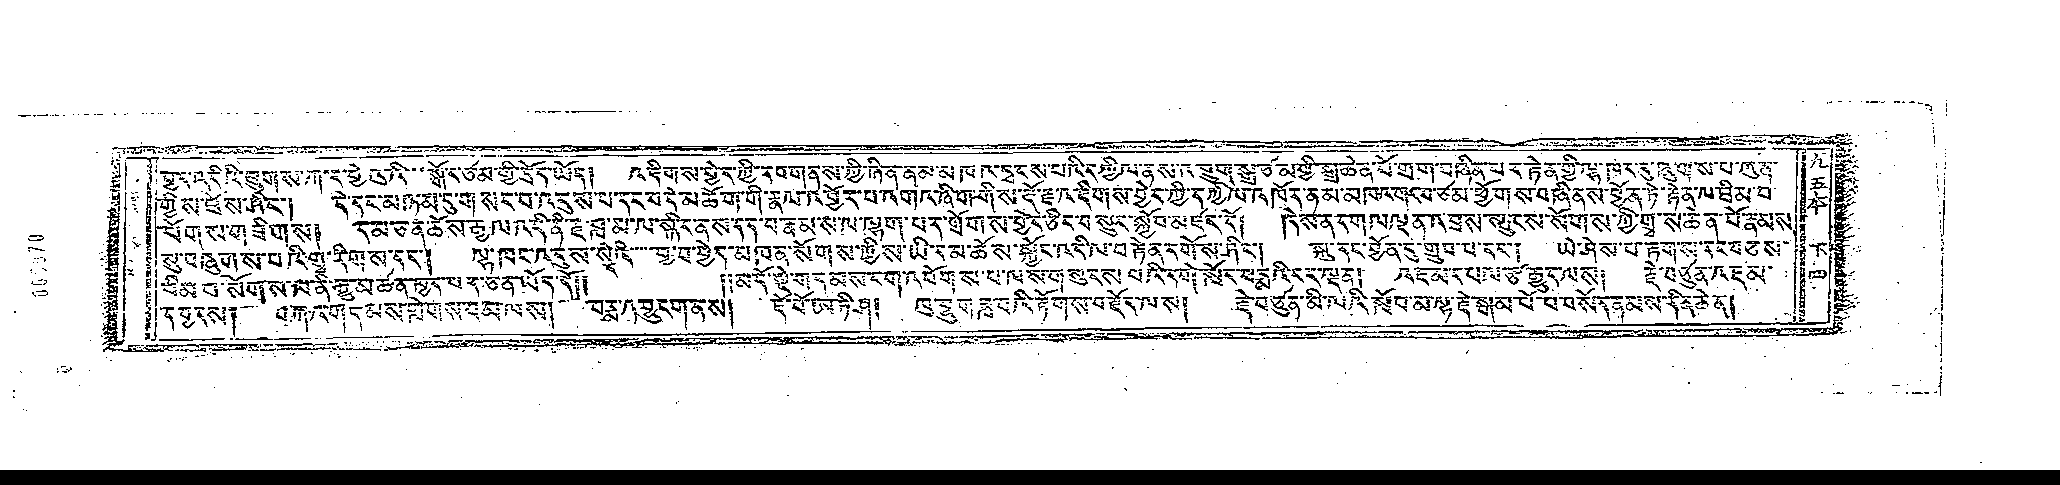བྱེད་འདིའི་ཐུགས་ཀར་བྱེའུའི་སྒོ་ང་ཙམ་གྱི་དྲོད་ཡོད། འཇིགས་བྱེད་ཀྱི་རབ་གནས་ཀྱི་ཉིན་ནམ་མཁའ་དྭངས་བའི་དཀྱིལ་ནས་འབྲུག་སྒྲ་ཙམ་གྱི་སྒྲ་ཆེན་པོ་གྲག་བཞིན་པར་རྟེན་གྱི་ལྷ་ཁང་དུ་ཞུགས་པ་ཀུན་
གྱིས་ཐོས་ཤིང་། དེ་དང་མཉམ་དུ་གསང་བ་འདུས་པ་དང་བདེ་མཆོག་གི་རྣལ་འབྱོར་བ་འགའ་ཞིག་གིས་རྡོ་རྗེ་འཇིགས་བྱེད་ཀྱི་དཀྱིལ་འཁོར་ནམ་མཁའ་གང་བ་ཙམ་ཕྱོགས་བཞི་ནས་བྱོན་ཏེ་རྟེན་ལ་ཐིམ་པ་
སོགས་གཟིགས། དམ་ཅན་ཆོས་རྒྱལ་འདི་ནི་རྗེ་བླ་མ་ལ་སྙིང་ནས་དད་པ་རྣམས་ལ་ལྷག་པར་གྲོགས་བྱེད་ཅིང་བསྲུང་སྐྱོབ་མཛད་དོ། །དེས་ན་དགའ་ལྡན་འབྲས་སྤུངས་སོགས་ཀྱི་གྲྭ་ས་ཆེན་པོ་རྣམས་
སུ་བཞུགས་པའི་གྲྭ་རིགས་དང་། ལྷ་ཁང་འདུས་སྡེའི་བྱ་བ་བྱེད་མཁན་སོགས་ཀྱིས་ཡི་དམ་ཆོས་སྐྱོང་འདི་ལ་བརྟོན་དགོས་ཤིང་། སྐུ་དང་བྱོན་དུ་གྲུབ་པ་དང་། ཡེ་ཤེས་པ་རྟགས་དང་བཅས་
ཐིམ་པ་སོགས་ལ་ནི་རྒྱུ་མཚན་ཁྱད་པར་ཅན་ཡོད་དོ།། །།མདོ་སྡེ་གདམས་དགའ་བོགས་བ་ལས་གསུངས་པའི་དགེ་སློང་པདམའི་དང་ལྡན། འཇམ་དཔལ་རྩ་རྒྱུད་ལས། རྗེ་བཙུན་འཇམ་
དབྱངས། བཀའ་གདམས་གླེགས་བམ་ལས། པདམ་འབྱུང་གནས། ཇོ་བོ་ཨ་ཏི་ཤ། ཁུ་བྱུག་ཟླ་བའི་རྟོགས་བརྗོད་ལས། རྗེ་བཙུན་མི་ལའི་སློབ་མ་ལྷ་རྗེ་སྒམ་པོ་བ་བསོད་ནམས་རིན་ཆེན།